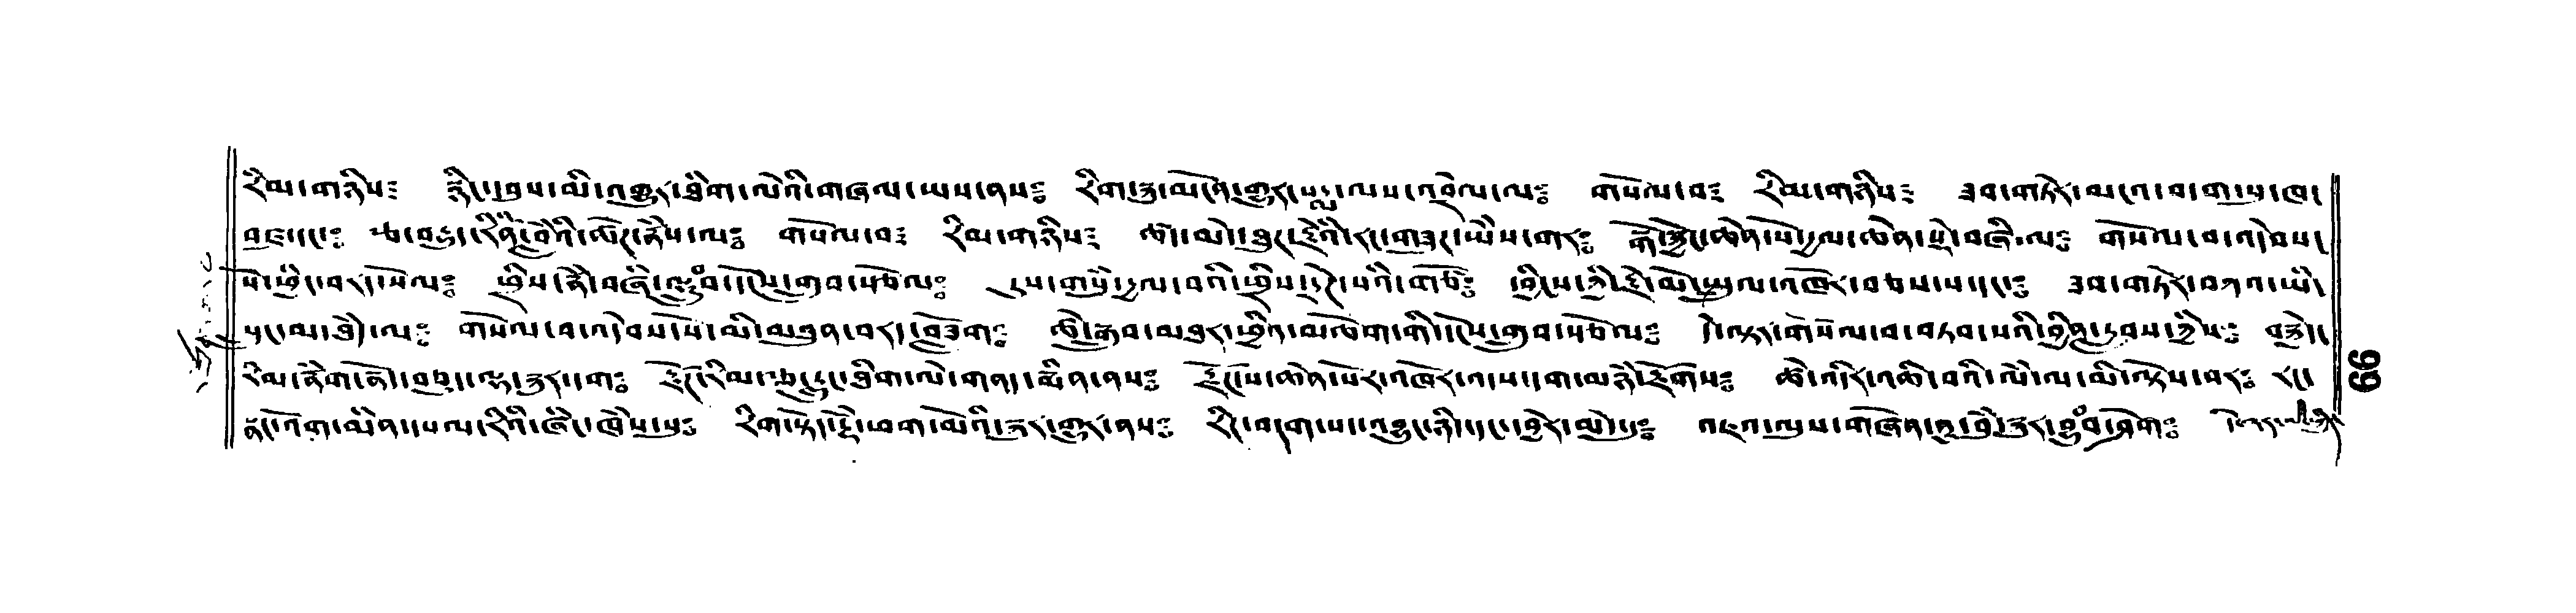རིམ་གཉིས༴ སྙིང་དབུས་མི་འགྱུར་ཐིག་ལེའི་གཞལ་ཡས་ནས༔ རིག་སྐུ་མངོན་གྱུར་པདྨ་ལས་འབྲེལ་ལ༔ གསོལ་བ༴ རིམ་གཉིས༴ ཟབ་གཏེར་མངའ་བདག་སུ་ཁ་
བཛྲ་དང༔ རྩ་བརྒྱུད་རིག་འཛིན་བླ་མའི་ཚོགས་རྣམས་ལ༔ གསོལ་བ༴ རིམ་གཉིས༴ ཚད་མེད་ཐུགས་རྗེའི་རང་གཟུགས་ཡེ་ཤེས་གར༔ སྒོ་སྐྱོང་ཆེན་པོ་རྒྱལ་ཆེན་སྡེ་བཞི་ལ༔ གསོལ་བ་འདེབས་
སོ་ཕྱི་ནང་བར་ཆད་སོལཿ ཕྲིན་ལས་རྣམ་བཞི་ལྷུན་གྲུབ་དངོས་གྲུབ་སྩོལཿ དུས་གསུམ་རྒྱལ་བའི་ཕྲིན་ལས་དྲེགས་པའི་གཙོ༔ དབྱིངས་ཀྱི་རྗེ་མོ་སྤྲུལ་འཁོར་བཅས་པ་དང༔ ཟབ་གཏེར་བཀའ་ཡི་
སྲུང་མ་ཐམས་ཅད་ལ༔ གསོལ་བ་འདེབས་སོ་མི་མཐུན་བར་ཆད་བཟློག༔ ཚེ་སྒྲུབ་མཐར་ཕྱིན་མཆོག་གི་དངོས་གྲུབ་སྩོལ༔ དེ་ལྟར་གསོལ་བ་བཏབ་པའི་བྱིན་རླབས་ཀྱིས༔ བསྐྱེད་
རིམ་རྣམ་དག་སྣོད་བཅུད་ལྷ་སྐུར་དག༔ རྫོགས་རིམ་རྩ་རླུང་ཐིག་ལེ་གནད་སྨིན་ནས༔ རྫོགས་པ་ཆེན་པོར་འཁོར་འདས་དག་མཉམ་རྫོགས༔ཚེ་འདིར་འཆི་བའི་ལམ་ལ་མ་ལྟོས་བར༔ རང་
སྣང་འོག་མིན་དཔལ་རིའི་ཞིང་ཁམས་སུ༔ རིག་སྟོང་རྡོ་རྗེ་ཕག་མོའི་སྐུར་གྱུར་ནས༔ རིགས་བདག་པད་འབྱུང་ཉིད་དང་དབྱེར་མེད་དུ༔ འཇའ་ལུས་གཞོན་ནུ་བུམ་སྐུར་བྱང་ཆུབ་ཤོག༔ དེ་ལྟར་མི་ཕྱེད་